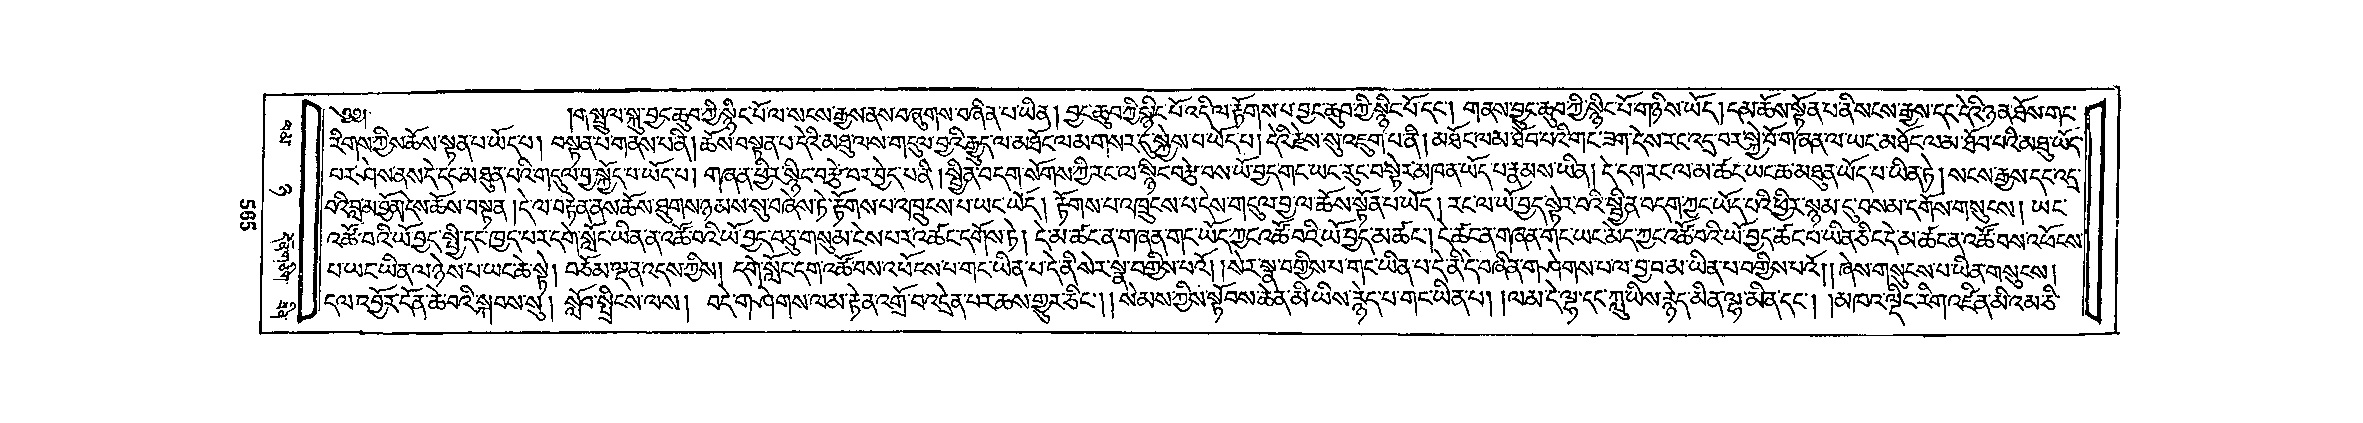༄༅། །ག་སྤྲུལ་སྐུ་བྱང་ཆུབ་ཀྱི་སྙིང་པོ་ལ་སངས་རྒྱས་ནས་བཞུགས་བཞིན་པ་ཡིན། བྱང་ཆུབ་ཀྱི་སྙིང་པོ་འདི་ལ་རྟོགས་པ་བྱང་ཆུབ་ཀྱི་སྙིང་པོ་དང་། གནས་བྱུང་ཆུབ་ཀྱི་སྙིང་པོ་གཉིས་ཡོད། དམ་ཆོས་སྟོན་པ་ནི་སངས་རྒྱས་དང་དེའི་ཉན་ཐོས་གང་
རིགས་ཀྱིས་ཆོས་སྟན་པ་ཡོད་པ། བསྟན་པ་གནས་པ་ནི། ཆོས་བསྟན་པ་དེའི་མཐུ་ལས་གདུལ་བྱའི་རྒྱུད་ལ་མཐོང་ལམ་གསར་དུ་སྐྱེས་པ་ཡོད་པ། དེའི་རྗེས་སུ་འཇུག་པ་ནི། མཐོང་ལམ་ཐོབ་པའི་གང་ཟག་དེས་རང་འདྲ་བར་སྐྱེ་བོ་གཞན་ལ་ཡང་མཐོང་ལམ་ཐོབ་པའི་མཐུ་ཡོད་
པར་ཤེས་ནས་དེ་དང་མཐུན་པའི་གདུལ་བྱ་སྐྱོད་པ་ཡོད་པ། གཞན་ཕྱིར་སྙིང་བརྩེ་བར་བྱེད་པ་ནི། སྦྱིན་བདག་སོགས་ཀྱི་རང་ལ་སྙིང་བརྩེ་བས་ཡོ་བྱད་གང་ཡང་རུང་བསྟེར་མཁན་ཡོད་པ་རྣམས་ཡིན། དེ་དག་རང་ལ་མ་ཚང་ཡང་ཆ་མཐུན་ཡོད་པ་ཡིན་ཏེ། སངས་རྒྱས་དང་འདྲ་
བའི་བླ་མ་བྱོན། དེས་ཆོས་བསྟན། དེ་ལ་བརྟེན་ནས་ཆོས་ཐུགས་ཉམས་སུ་བཞེས་ཏེ་རྟོགས་པ་འཁྲུངས་པ་ཡང་ཡོད། རྟོགས་པ་འཁྲུངས་པ་དེས་གདུལ་བྱ་ལ་ཆོས་སྟོན་པ་ཡོད། རང་ལ་ཡོ་བྱད་སྟེར་བའི་སྦྱིན་བདག་ཀྱང་ཡོད་པའི་ཕྱིར་སྙམ་དུ་བསམ་དགོས་གསུངས། ཡང་
འཚོ་བའི་ཡོ་བྱད་སྤྱི་དང་ཁྱད་པར་དགེ་སློང་ཡིན་ན་འཚོ་བའི་ཡོ་བྱད་བཅུ་གསུམ་ངེས་པར་འཚང་དགོས་ཏེ། དེ་མ་ཚང་ན་གཞན་གང་ཡོད་ཀྱང་འཚོ་བའི་ཡོ་བྱད་མཚང་། དེ་ཚང་ན་གཞན་གང་ཡང་མེད་ཀྱང་འཚོ་བའི་ཡོ་བྱད་ཚང་བ་ཡིན་ཅིང་དེ་མ་ཚང་ན་འཚོ་བས་འཕོངས་
པ་ཡང་ཡིན་ལ་ཉེས་པ་ཡང་ཆེ་སྟེ། བཅོམ་ལྡན་འདས་ཀྱིས། དགེ་སློང་དག་འཚོ་བས་འཕོངས་པ་གང་ཡིན་པ་དེ་ནི་སེར་སྣ་བགྱིས་པའོ། །སེར་སྣ་བགྱིས་པ་གང་ཡིན་པ་དེ་ནི་དེ་བཞིན་གཤེགས་པ་ལ་བྱ་བ་མ་ཡིན་པ་བགྱིས་པའོ། །ཞེས་གསུངས་པ་ཡིན་གསུངས།
དལ་འབྱོར་དོན་ཆེ་བའི་སྐབས་སུ། སློབ་སྤྲིངས་ལས། བདེ་གཤེགས་ལམ་རྟེན་འགྲོ་བ་འདྲེན་པར་ཆས་གྱུར་ཅིང་། །སེམས་ཀྱིས་སྟོབས་ཆེན་མི་ཡིས་རྙེད་པ་གང་ཡིན་པ། །ལམ་དེ་ལྷ་དང་ཀླུ་ཡིས་རྙེད་མིན་ལྷ་མིན་དང་། །མཁའ་ལྡིང་རིག་འཛིན་མིའམ་ཅི་